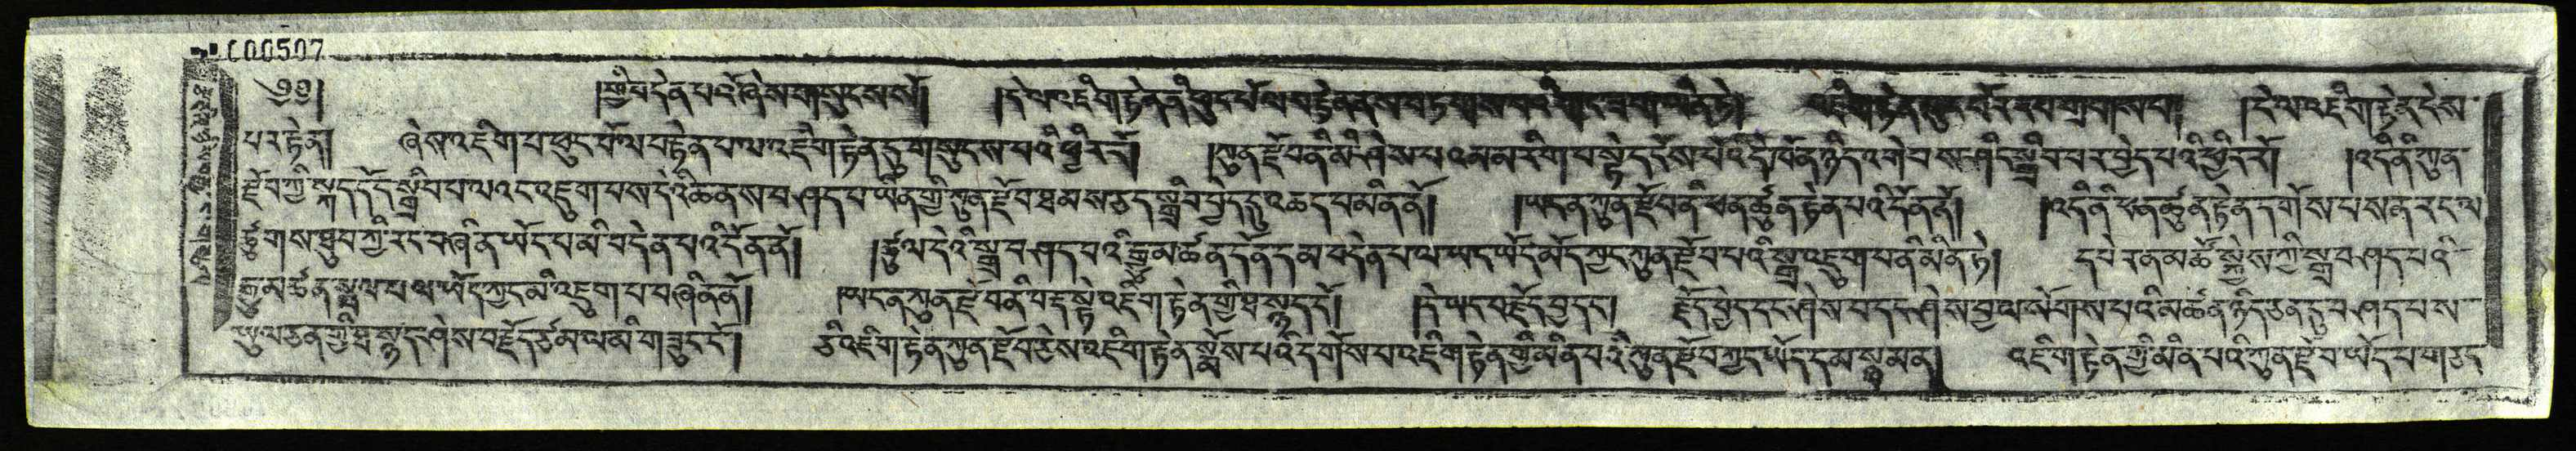༄༅། །གྱི་བདེན་པའོ་ཞེས་གསུངས་སོ། །དེ་ལ་འཇིག་རྟེན་ནི་ཕུང་པོ་ལ་བརྟེན་ནས་བཏགས་པའི་གང་ཟག་ཡིན་ཏེ། འཇིག་རྟེན་ཕུང་པོར་རབ་གྲགས་པ། །དེ་ལ་འཇིག་རྟེན་ངེས་
པར་རྟེན། ཞེས་འཇིག་པ་ཕུང་པོ་ལ་བརྟེན་པ་ལ་འཇིག་རྟེན་དུ་གསུངས་པའི་ཕྱིར་རོ། །ཀུན་རྫོབ་ནི་མི་ཤེས་པའམ་མ་རིག་པ་སྟེ་དངོས་པོའི་དེ་ཁོ་ན་ཉིད་འགེབས་ཤིང་སྒྲིབ་པར་བྱེད་པའི་ཕྱིར་རོ། །འདི་ནི་ཀུན་
རྫོབ་ཀྱི་སྐད་དོད་སྒྲིབ་པ་ལའང་འཇུག་པས་དེའི་ཆ་ནས་བཤད་པ་ཡིན་གྱི་ཀུན་རྫོབ་ཐམས་ཅད་སྒྲིབ་བྱེད་དུ་འཆད་པ་མིན་ནོ། །ཡང་ན་ཀུན་རྫོབ་ནི་ཕན་ཚུན་རྟེན་པའི་དོན་ནོ། །འདི་ནི་ཕན་ཚུན་རྟེན་དགོས་པས་ན་རང་ལ་
ཚུགས་ཐུབ་ཀྱི་རང་བཞིན་ཡོད་པ་མི་བདེན་པའི་དོན་ནོ། །ཚུལ་དེའི་སྒྲ་བཤད་པའི་རྒྱུ་མཚན་དོན་དམ་བདེན་པ་ལ་ཡང་ཡོད་མོད་ཀྱང་ཀུན་རྫོབ་པའི་སྒྲ་འཇུག་པ་ནི་མིན་ཏེ། དཔེར་ན་མཚོ་སྐྱེས་ཀྱི་སྒྲ་བཤད་པའི་
རྒྱུ་མཚན་སྦལ་པ་ལ་ཡོད་ཀྱང་མི་འཇུག་པ་བཞིན་ནོ། །ཡང་ན་ཀུན་རྫོབ་ནི་བརྡ་སྟེ་འཇིག་རྟེན་གྱི་ཐ་སྙད་དོ། །དེ་ཡང་བརྗོད་བྱ་དང་། རྗོད་བྱེད་དང་ཤེས་པ་དང་ཤེས་བྱ་ལ་སོགས་པའི་མཚན་ཉིད་ཅན་དུ་བཤད་པས་
ཡུལ་ཅན་གྱི་ཐ་སྙད་ཤེས་བརྗོད་ཙམ་ལ་མི་གཟུང་ངོ། ཅི་འཇིག་རྟེན་ཀུན་རྫོབ་ཅེས་འཇིག་རྟེན་སྨོས་པའི་དགོས་པ་འཇིག་རྟེན་གྱི་མིན་པའི་ཀུན་རྫོབ་ཀྱང་ཡོད་དམ་སྙམ་ན། འཇིག་རྟེན་གྱི་མིན་པའི་ཀུན་རྫོབ་ཡོད་པ་གཅད་